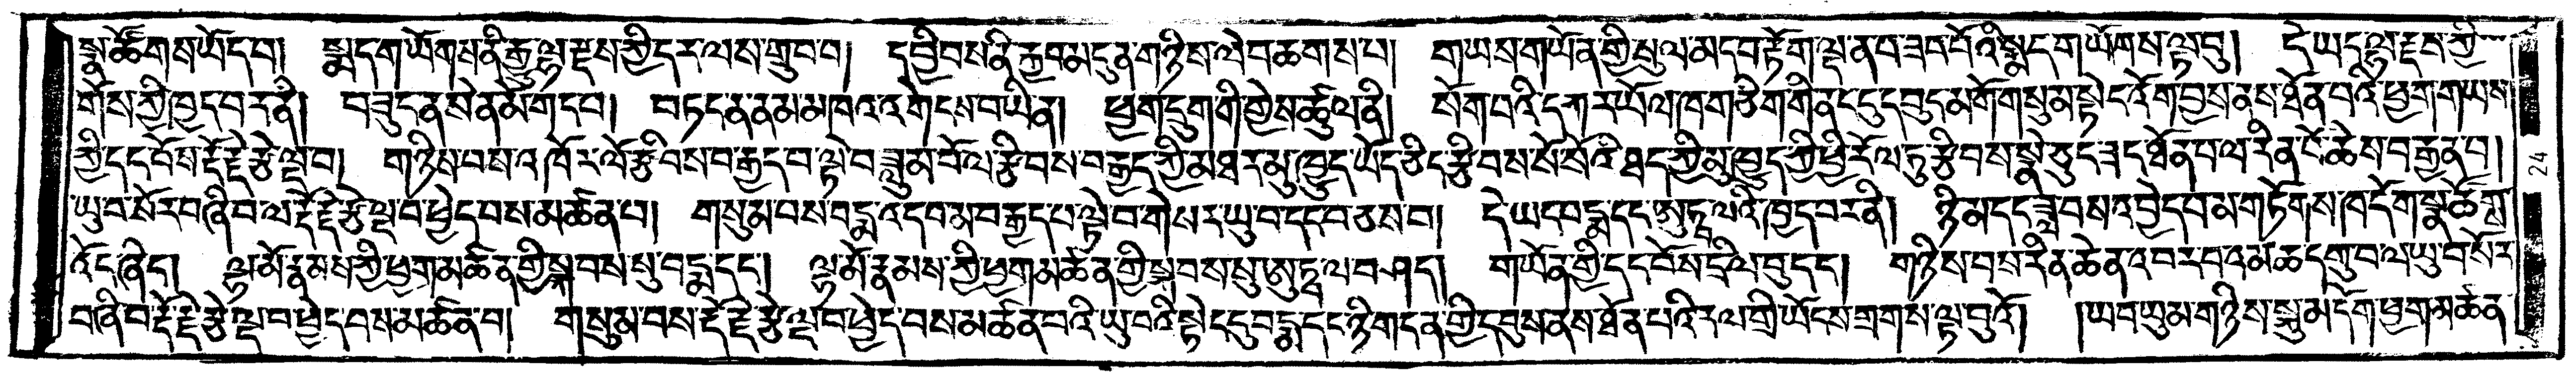སྣ་ཚོགས་ཡོད་པ། སྨད་གཡོགས་ནི་རྒྱུ་ལྷ་རྫས་ཀྱི་དར་ལས་གྲུབ་པ། དབྱིབས་ནི་རྐྱབ་མདུན་གཉིས་ལེབ་ཆགས་པ། གཡས་གཡོན་གྱི་སུལ་མདབ་རྟོག་ལྡན་པ་ཟབ་པོའི་སྨད་གཡོགས་ལྟ་བུ། དེ་ཡང་ལྷ་རྫས་ཀྱི་
གོས་ཀྱི་ཁྱད་བར་ནི། བཟུང་ན་སེན་མོ་གདབ། བཏང་ན་ནམ་མཁའ་འགེངས་བ་ཡིན། ཕྱག་དྲུག་གི་གྱེས་ཚུལ་ནི། སོག་བའི་དཀར་ཡོལ་ཁ་གཅིག་གི་ནང་དུ་དཔུང་མགོ་གསུམ་སྟེང་འོག་བྱས་ནས་ཐོན་བའི་ཕྱག་གཡས་
ཀྱི་དང་པོས་རྡོ་རྗེ་རྩེ་ལྔ་པ། གཉིས་པས་འཁོར་ལོ་རྩིབས་བརྒྱད་པ་ལྟེ་བཟླུམ་པོ་ལ་རྩིབས་བརྒྱད་ཀྱི་མཐར་མུ་ཁྱུད་ཡོད་ཅིང་རྩིབས་སོ་སོའི་ཐད་ཀྱི་མུ་ཁྱུད་ཀྱི་ཕྱི་རོལ་ཏུ་རྩིབས་སྣེ་ཅུང་ཟད་ཐོན་པ་ལ་རིན་པོ་ཆེས་བརྒྱན་པ།
ཡུ་བ་སོར་བཞི་པ་ལ་རྡོ་རྗེ་རྩེ་ལྔ་པ་ཕྱེད་པས་མཚན་པ། གསུམ་པས་པདམ་འདབ་མ་བརྒྱད་པ་ལྟེ་བ་གེ་སར་ཡུ་བ་དང་བཅས་པ། དེ་ཡང་པདམ་དང་ཨུཏྤ་ལའི་ཁྱད་པར་ནི། ཉི་མ་དང་ཟླ་བས་འབྱེད་པ་མ་གཏོགས་ཁ་དོག་སྣ་ཚོགས་
འོད་ཞིང་། ལྷ་མོ་རྣམས་ཀྱི་ཕྱག་མཚན་གྱི་སྐབས་སུ་པདམ་དང་། ལྷ་མོ་རྣམས་ཀྱི་ཕྱག་མཚན་གྱི་སྐབས་སུ་ཨུཏྤ་ལ་བཤད། གཡོན་གྱི་དང་པོས་དྲིལ་བུ་དང་། གཉིས་པས་རིན་ཆེན་འབར་བ་འམ་ཆ་དགུ་པ་ལ་ཡུ་བ་སོར་
བཞི་པ་རྡོ་རྗེ་རྩེ་ལྔ་པ་ཕྱེད་བས་མཚན་པ། གསུམ་པས་རྡོ་རྗེ་རྩེ་ལྔ་པ་ཕྱེད་པས་མཚན་པའི་ཡུ་བའི་སྟེང་དུ་པདམ་དང་ཉི་གདན་གྱི་དབུས་ནས་ཐོན་པའི་རལ་གྲི་ཡོངས་གྲགས་ལྟ་བུའོ། །ཡབ་ཡུམ་གཉིས་སྐུ་མདོག་ཕྱག་མཚན་